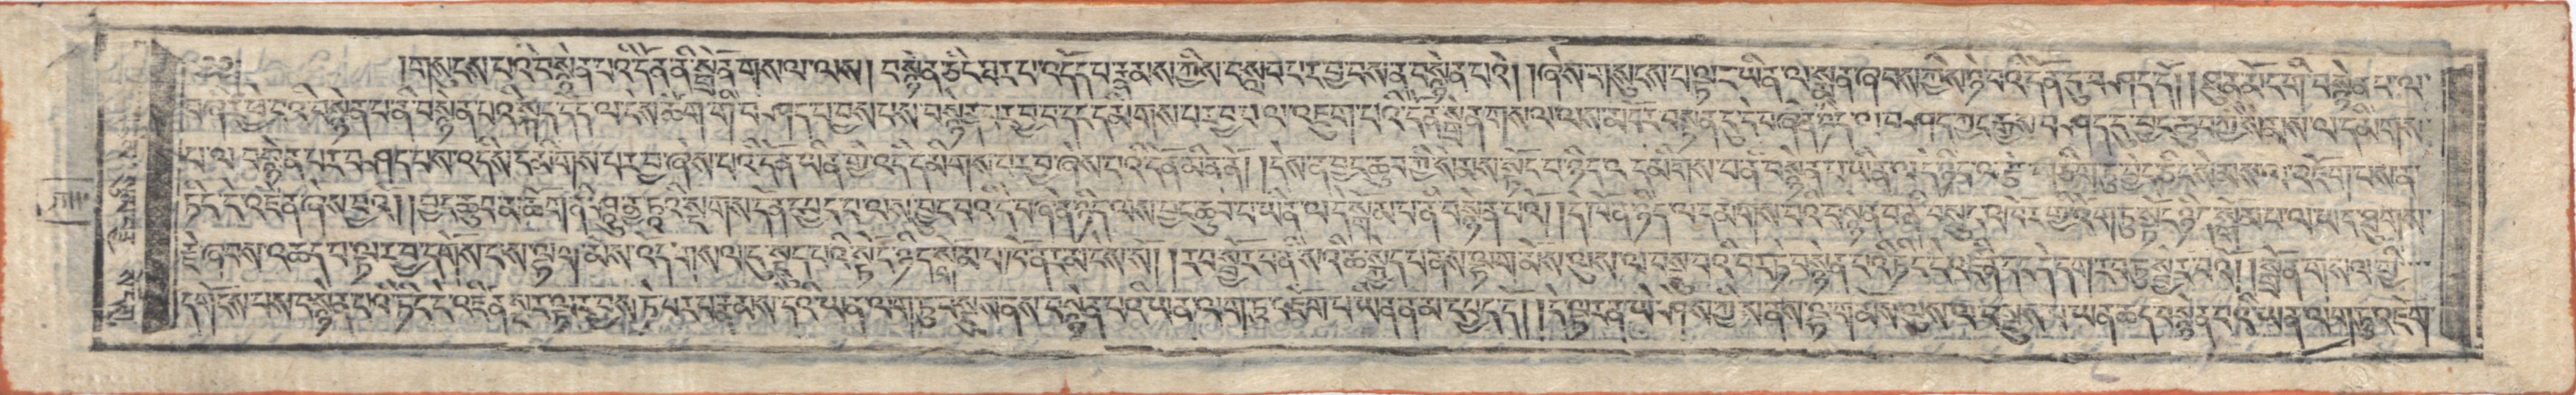༄༅། །གསུངས་པའི་བསྙེན་པའི་དོན་ནི་སྒྲོན་གསལ་ལས། བསྙེན་ཅིང་ཐར་པ་འདོད་པ་རྣམས་ཀྱིས་བསླབ་པར་བྱ་བས་ན་བསྙེན་པའོ། །ཞེས་གསུངས་པ་ལྟར་ཡིན་ལ་སྨན་ཞབས་ཀྱིས་ཉེ་བའི་དོན་དུ་བཤད་དོ། །ཐུན་མོང་གི་བསྙེན་པ་ལ་
བཞིར་ཕྱེ་བའི་བསྙེན་པ་ནི་བསྙེན་པའི་སྐད་དོད་ལ་ངེས་ཚིག་གི་བཤད་པ་བྱས་པས་བསྙེན་པར་བྱ་བ་དང་དམིགས་པར་བྱ་བ་ལ་འཇུག་པའི་དོན་སྒྲོན་གསལ་ལས་མདོར་བསྟན་དུ་དེ་བཞིན་ཉིད་ལ་བཤད་ཀྱང་རྒྱས་བཤད་དུ་བྱང་ཆུབ་ཀྱི་སེམས་ལ་དམིགས་
པ་ལ་བསྙེན་པར་བཤད་པས་འདིས་དམིགས་པར་བྱ་ཞེས་པའི་དོན་ཡིན་གྱི་འདི་དམིགས་པར་བྱ་ཞེས་པའི་དོན་མིན་ནོ། །དེས་ན་བྱང་ཆུབ་ཀྱི་སེམས་སྟོང་པ་ཉིད་ལ་དམིགས་པ་ནི་བསྙེན་པ་ཡིན་ལ་དེ་ཉིད་ལ་རྩེ་གཅིག་ཏུ་བྱེད་ཅིང་སེམས་ལ་འཇོག་པས་ན་
ཏིང་ངེ་འཛིན་ཞེས་བྱའོ། །བྱང་ཆུབ་མཆོག་ནི་ཤཱུ་ཉ་ཏཱའི་སྔགས་དོན་དཔྱད་པ་ལས་བྱུང་བའི་དེ་བཞིན་ཉིད་ལས་བྱང་ཆུབ་པ་ཡིན་ལ་དེ་སྒོམ་པ་ནི་བསྙེན་པའོ། །དེ་ཁོ་ན་ཉིད་ལ་དམིགས་པའི་བསྙེན་པ་ནི་བསྲུང་འཁོར་གྱི་འོག་ཏུ་སྟོང་ཉིད་སྒོམ་པ་ལ་ཡང་ཐུགས་
རྗེ་ཞབས་འཆད་པ་ལྟར་བྱ་དགོས་པས་ལྷག་མོས་འོད་གསལ་དུ་སྡུད་པའི་སྟོང་ཉིད་སྒོམ་པ་ཁོ་ནར་མ་ངེས་སོ། །རབ་སྦྱོར་བ་ནི་སའི་ཆ་སྐྱེད་པ་ནས་ལྷག་མོས་ལུས་ལ་བསྡུ་བའི་བར་ཏེ་བསྙེན་པའི་ཏིང་ངེ་འཛིན་དང་དེ་དག་རབ་ཏུ་སྦྱོར་བའོ། །སྒྲོན་གསལ་གྱི་
དགོངས་པས་བསྙེན་པའི་ཏིང་ངེ་འཛིན་སྔར་ལྟར་བྱས་ཏེ་བར་པ་རྣམས་དེའི་ཡན་ལག་ཏུ་བསྡུས་ནས་བསྙེན་པའི་ཡན་ལག་ཏུ་འཇོག་པ་ཡིན་ནམ་དཔྱད་དོ། །དེ་ལྟར་ན་ཡེ་ཤེས་ཀྱི་ས་ནས་ལྷག་མོས་ལུས་ལ་བསྡུས་པ་ཡན་ཆད་བསྙེན་པའི་ཡན་ལག་ཏུ་འཇོག་